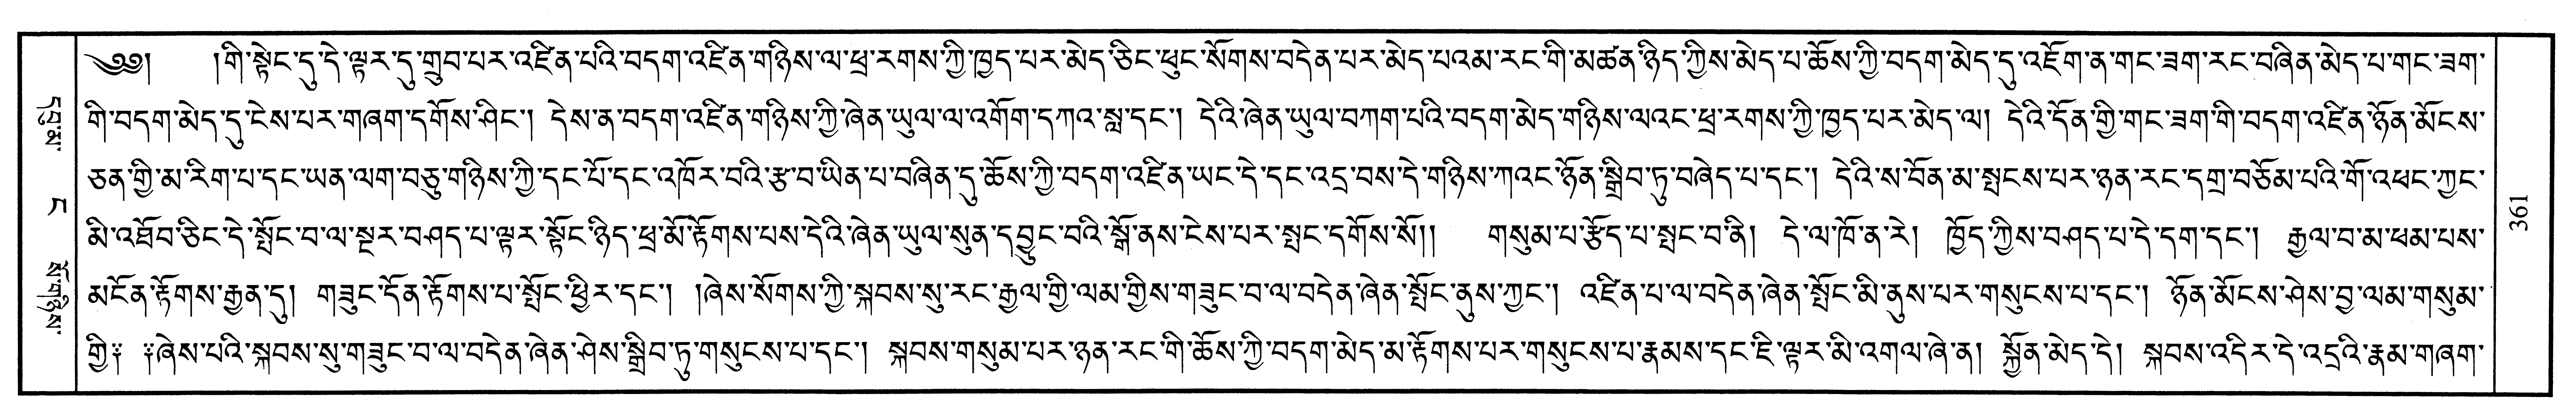༄༅། །གི་སྟེང་དུ་དེ་ལྟར་དུ་གྲུབ་པར་འཛིན་པའི་བདག་འཛིན་གཉིས་ལ་ཕྲ་རགས་ཀྱི་ཁྱད་པར་མེད་ཅིང་ཕུང་སོགས་བདེན་པར་མེད་པའམ་རང་གི་མཚན་ཉིད་ཀྱིས་མེད་པ་ཆོས་ཀྱི་བདག་མེད་དུ་འཇོག་ན་གང་ཟག་རང་བཞིན་མེད་པ་གང་ཟག་
གི་བདག་མེད་དུ་ངེས་པར་གཞག་དགོས་ཤིང་། དེས་ན་བདག་འཛིན་གཉིས་ཀྱི་ཞེན་ཡུལ་ལ་འགོག་དཀའ་སླ་དང་། དེའི་ཞེན་ཡུལ་བཀག་པའི་བདག་མེད་གཉིས་ལའང་ཕྲ་རགས་ཀྱི་ཁྱད་པར་མེད་ལ། དེའི་དོན་གྱི་གང་ཟག་གི་བདག་འཛིན་ཉོན་མོངས་
ཅན་གྱི་མ་རིག་པ་དང་ཡན་ལག་བཅུ་གཉིས་ཀྱི་དང་པོ་དང་འཁོར་བའི་རྩ་བ་ཡིན་པ་བཞིན་དུ་ཆོས་ཀྱི་བདག་འཛིན་ཡང་དེ་དང་འདྲ་བས་དེ་གཉིས་ཀའང་ཉོན་སྒྲིབ་ཏུ་བཞེད་པ་དང་། དེའི་ས་བོན་མ་སྤངས་པར་ཉན་རང་དགྲ་བཅོམ་པའི་གོ་འཕང་ཀྱང་
མི་འཐོབ་ཅིང་དེ་སྤོང་བ་ལ་སྔར་བཤད་པ་ལྟར་སྟོང་ཉིད་ཕྲ་མོ་རྟོགས་པས་དེའི་ཞེན་ཡུལ་སུན་དབྱུང་བའི་སྒོ་ནས་ངེས་པར་སྤང་དགོས་སོ།། གསུམ་པ་རྩོད་པ་སྤང་བ་ནི། དེ་ལ་ཁོ་ན་རེ། ཁྱོད་ཀྱིས་བཤད་པ་དེ་དག་དང་། རྒྱལ་བ་མ་ཕམ་པས་
མངོན་རྟོགས་རྒྱན་དུ། གཟུང་དོན་རྟོགས་པ་སྤོང་ཕྱིར་དང་། །ཞེས་སོགས་ཀྱི་སྐབས་སུ་རང་རྒྱལ་གྱི་ལམ་གྱིས་གཟུང་བ་ལ་བདེན་ཞེན་སྤོང་ནུས་ཀྱང་། འཛིན་པ་ལ་བདེན་ཞེན་སྤོང་མི་ནུས་པར་གསུངས་པ་དང་། ཉོན་མོངས་ཤེས་བྱ་ལམ་གསུམ་
གྱི༑ ༑ཞེས་པའི་སྐབས་སུ་གཟུང་བ་ལ་བདེན་ཞེན་ཤེས་སྒྲིབ་ཏུ་གསུངས་པ་དང་། སྐབས་གསུམ་པར་ཉན་རང་གི་ཆོས་ཀྱི་བདག་མེད་མ་རྟོགས་པར་གསུངས་པ་རྣམས་དང་ཇི་ལྟར་མི་འགལ་ཞེ་ན། སྐྱོན་མེད་དེ། སྐབས་འདིར་དེ་འདྲའི་རྣམ་གཞག་